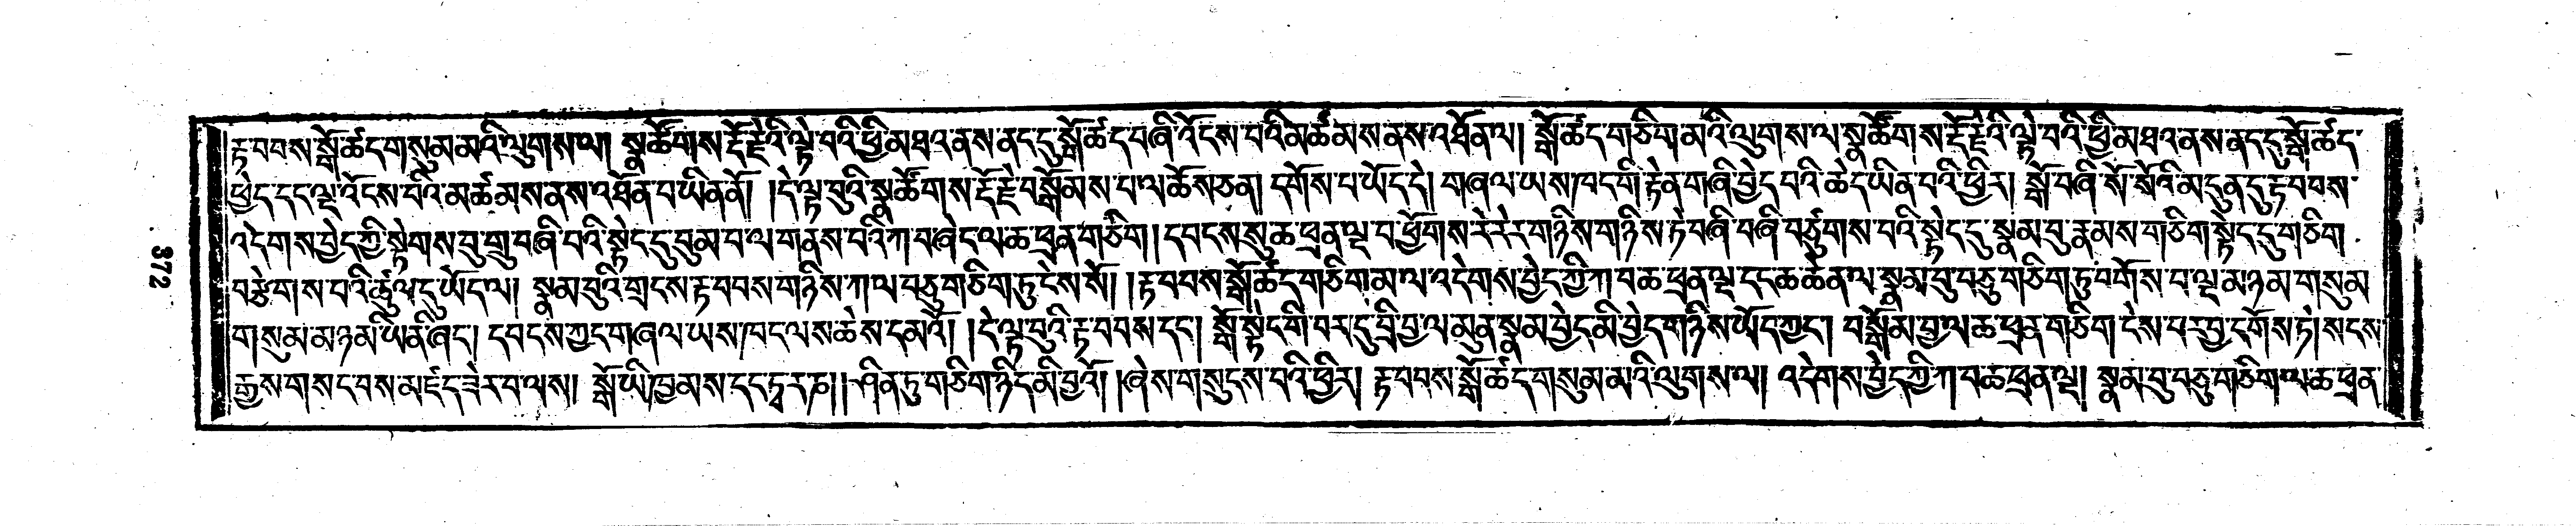རྟ་བབས་སྒོ་ཚད་གསུམ་མའི་ལུགས་ལ། སྣ་ཚོགས་རྡོ་རྗེའི་ལྟེ་བའི་ཕྱི་མཐའ་ནས་ནང་དུ་སྒོ་ཚད་བཞི་འོངས་པའི་མཚམས་ནས་འཐོན་ལ། སྒོ་ཚད་གཅིག་མའི་ལུགས་ལ་སྣ་ཚོགས་རྡོ་རྗེའི་ལྟེ་བའི་ཕྱི་མཐའ་ནས་ནང་དུ་སྒོ་ཚད་
ཕྱེད་དང་ལྔ་འོངས་པའི་མཚམས་ནས་འཐོན་པ་ཡིན་ནོ། །དེ་ལྟ་བུའི་སྣ་ཚོགས་རྡོ་རྗེ་བསྒོམས་པ་ལ་ཆོས་ཅན། དགོས་པ་ཡོད་དེ། གཞལ་ཡས་ཁང་གི་རྟེན་གཞི་བྱེད་པའི་ཆེད་ཡིན་པའི་ཕྱིར། སྒོ་བཞི་སོ་སོའི་མདུན་དུ་རྟ་བབས་
འདེགས་བྱེད་ཀྱི་སྟེགས་བུ་གྲུ་བཞི་པའི་སྟེང་དུ་བུམ་པ་ལ་གནས་པའི་ཀ་བ་ཞེང་ལ་ཆ་ཕྲན་གཅིག །དཔངས་སུ་ཆ་ཕྲན་ལྔ་བ་ཕྱོགས་རེ་རེར་གཉིས་གཉིས་ཏེ་བཞི་བཞི་བཙུགས་པའི་སྟེང་དུ་སྣམ་བུ་རྣམས་གཅིག་སྟེང་དུ་གཅིག་
བརྩེགས་པའི་ཚུལ་དུ་ཡོད་ལ། སྣམ་བུའི་གྲངས་རྟ་བབས་གཉིས་ཀ་ལ་བཅུ་གཅིག་ཏུ་ངེས་སོ། །རྟ་བབས་སྒོ་ཚད་གཅིག་མ་ལ་འདེགས་བྱེད་ཀྱི་ཀ་བ་ཆ་ཕྲན་ལྔ་དང་ཆ་ཆེན་ལ་སྣམ་བུ་བཅུ་གཅིག་ཏུ་བགོས་པ་ལྔ་མཉམ་གསུམ་
གསུམ་མཉམ་ཡིན་ཞིང་། དཔངས་ཀྱང་གཞལ་ཡས་ཁང་ལས་ཆེས་དམའོ། །དེ་ལྟ་བུའི་ཏ་བབས་དང་། སྒོ་སྟེང་གི་བར་དུ་བྲི་བྱ་ལ་མུན་སྣམ་བྱེད་མི་བྱེད་གཉིས་ཡོད་ཀྱང་། བསྒོམ་བྱ་ལ་ཆ་ཕྲན་གཅིག་ངེས་པར་བྱ་དགོས་ཏེ། སངས་
རྒྱས་གསང་བས་མཛད་ཟེར་བ་ལས། སྒོ་ཡི་བྱམས་དང་ཏྭ་ར་ཎ། །ཤིན་ཏུ་གཅིག་ཉིད་མི་བྱའོ། ཞེས་གསུངས་པའི་ཕྱིར། རྟ་བབས་སྒོ་ཚད་གསུམ་མའི་ལུགས་ལ། འདེགས་བྱེད་ཀྱི་ཀ་བ་ཆ་ཕྲན་ལྔ། སྣམ་བུ་བཅུ་གཅིག་ལ་ཆ་ཕྲན་